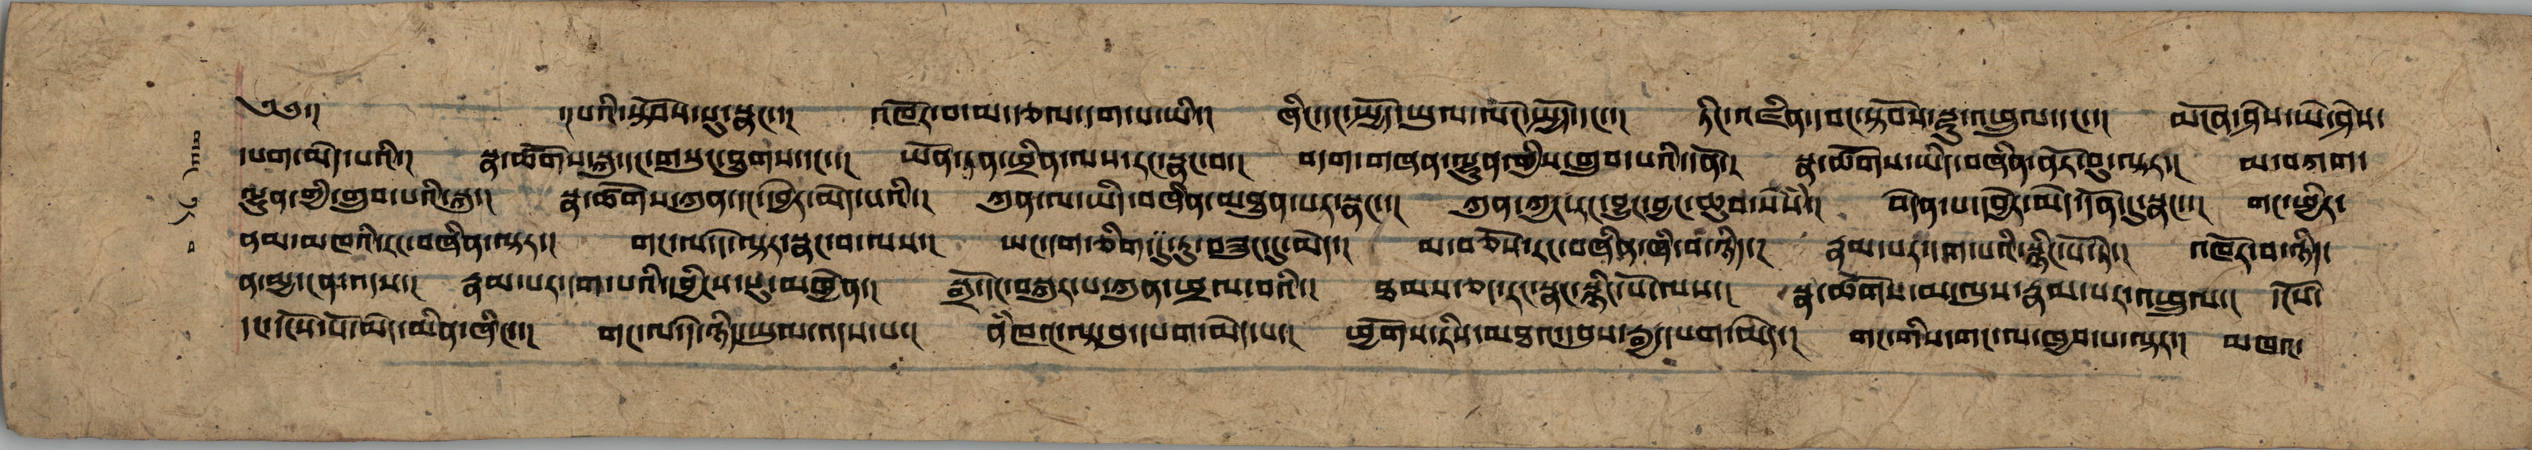༄༅་། ་།པའི་སྟོབས་སུ་སྣང་་། འཁོར་བ་མ་རྩལ་དག་པ་ཡི་། ཞིང་དང་སྤྱོད་ཡུལ་ལོང་སྤྱོད་དང་་། ཏིང་འཛིན་དབང་སྟོབས་སྫུ་འཕྲུལ་དང་་། མངོན་ཤེས་ཡེ་ཤེས་
དཔག་མེད་པའི་། སྣ་ཚོགས་སྐུ་དང་གསུང་ཐུགས་དང་་། ཡོན་ཏན་ཕྲིན་ལས་རང་སྣང་བ་། བདག་གཞན་ལྷུན་གྱིས་གྲུབ་པའི་དོན་། སྣ་ཚོགས་ཡིད་བཞིན་ནོར་བུ་ལྟར་། མ་བཀག་
ལྷུན་གྱི་གྲུབ་པའི་སྐུ་། སྣ་ཚོགས་ཀུན་དང་དབྱེར་མེད་པའི་། ཀུན་ལ་ཡིད་བཞིན་མཐུན་པར་སྣང་་། ཀུན་ཀྱང་རང་བྱུང་བྱང་ཆུབ་སེསཾ་། བདེན་པ་དབྱེར་མེད་དོན་དུ་སྣང་་། གང་ཕྱིར་
ནམ་མཁའི་རང་བཞིན་ལྟར་། གང་ལ་དེ་ལྟར་སྣང་བ་ལས་། ཡང་དག་ཅིག་དུ་ཏུ་བཟུང་དུ་མེད་། མ་བཅོས་རང་བཞིན་ཞི་བ་ཉིད་། རྣམ་པར་དག་པའི་སྙིང་པོ་ཏེ་། འཁོར་བ་ཉིད་
ན་མྱ་ངན་འདས་། རྣམ་པར་དག་པའི་དབྱིངས་སུ་མཁྱེན་། སྒྲོ་དང་བསྐུར་པ་ཀུན་ཕྲལ་བའི་། ཐམས་ཅད་རང་སྣང་སྙིང་པོ་ལས་། སྣ་ཚོགས་མ་ལུས་རྣམ་པར་འཕྲུལ་། དངོས་
དང་དངོས་པོ་མེད་མིན་ཞིང་་། གང་ལ་དེ་ཉིད་ཡུལ་འདས་པ་། ནཾཁའ་ལྟ་བུ་དཔག་མེད་པ་། ཕྱོགས་རིས་མཐའ་དབུས་རྒྱ་དཔག་མེད་། གང་གིས་གང་ལ་ཁྱབ་པ་ལྟར་། མཁའ་